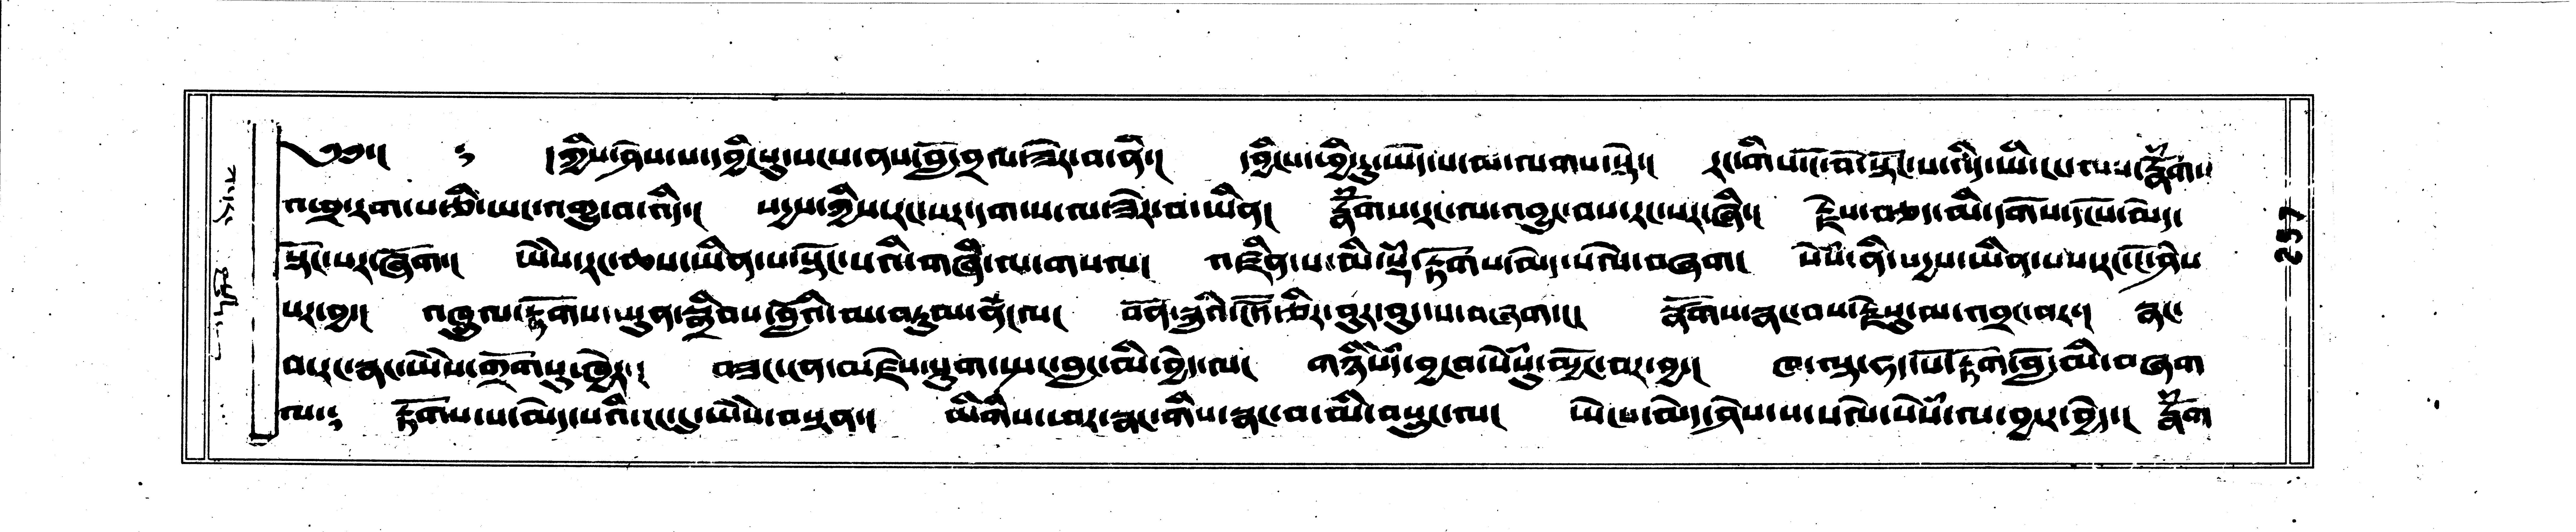ཤེས་པ་དབྱིངས་སུ་སངས་ན་བློ་བྲལ་ཡིན་ཟེར་བྱ་བ་ནི། དབྱིངས་ཕྱི་རུ་ཡོད་པ་མ་ལགས་སྟེ། རང་གིས་ངོའོ་སྟོང་པ་འདིའི་ངང་ལས། རྣམ་རྟོག་
ཕྲ་ལ་རག་པ་ཅི་ཡང་འགྱུ་བ་ཡིན། སངས་ཀྱིས་རང་སར་དག་པ་ལ་ཟེར་བ་ཡིན། རྣམ་རྟོག་རང་ལས་བྱུང་པས་རང་སར་ཞི། རྗེས་བཅད་མི་དགོས་དངོས་མེད་
སྟོང་པར་ཞོག ཡེ་ཤེས་རང་ཆས་ཡིན་པས་སྟོང་པའི་གཞི་ལས་གསལ། འཛིན་པ་མི་བསྡམ་རྟོག་མེད་སལེ་བཞག སེམས་ནི་སངས་རྒྱས་ཡིན་པས་རང་ངོ་ཤེས་
པར་བྱ། འཁྲུལ་རྟོག་མུན་སྒྲིབ་བློའི་མི་བཏུམ་ལ། བོན་སྐུའི་ངོའོ་གཅེར་བུར་ཕུད་ལ་བཞགས། སྣ་ཚོགས་སྣང་བའི་རྗེས་སུ་མི་འབྲིང་ལ། སྣང་
བ་རང་སྣང་ཡེ་ཤེས་གྲོགས་སུ་ཁྱེར། བཟང་ངན་མཛེས་སྡུག་སྤང་བླང་མི་བྱ་ལ། གཉིས་མེད་བྱུང་ཆུབ་སེམས་སུ་མཉམས་པར་བྱ། ཁ་ལྟ་ཧེད་པོ་རྟོག་བློར་མི་བཞགས་
ལ། རྟོག་པ་མེད་པའི་ངང་དུ་ཡེ་ཤེས་བསྟན། མིག་གིས་ཕར་སྣང་གིས་སྣང་བ་མི་བསྲུངས་ལ། ཡེངས་མེད་ཤེས་པས་སེམས་ལ་བྱ་ར་བྱེད། རྣམ་རྟོག་